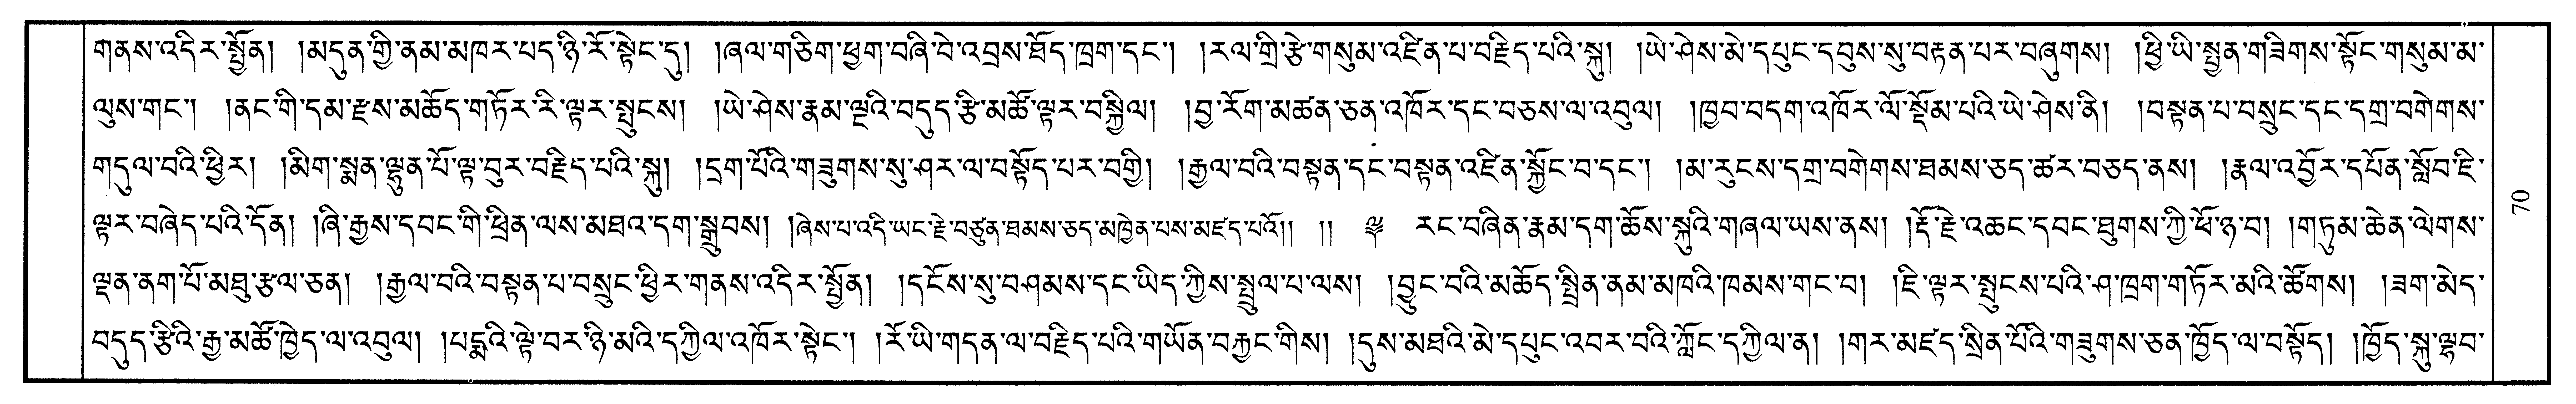གནས་འདིར་སྤྱོན། །མདུན་གྱི་ནམ་མཁར་པད་ཉི་རོ་སྟེང་དུ། །ཞལ་གཅིག་ཕྱག་བཞི་བེ་འབྲས་ཐོད་ཁྲག་དང་། །རལ་གྲི་རྩེ་གསུམ་འཛིན་པ་བརྗོད་པའི་སྐུ། །ཡེ་ཤེས་མེ་དཔུང་དབུས་སུ་བརྟན་པར་བཞུགས། །ཕྱི་ཡི་སྤྱན་གཟིགས་སྟོང་གསུམ་མ་
ལུས་གང་། །ནང་གི་དམ་རྫས་མཆོད་གཏོར་རི་ལྟར་སྤུངས། །ཡེ་ཤེས་རྣམ་ལྔའི་བདུད་རྩི་མཚོ་ལྟར་བསྐྱིལ། །བྱ་རོག་མཚན་ཅན་འཁོར་དང་བཅས་ལ་འབུལ། །ཁྱབ་བདག་འཁོར་ལོ་སྡོམ་པའི་ཡེ་ཤེས་ནི། །བསྟན་པ་བསྲུང་དང་དགྲ་བགེགས་
གདུལ་བའི་ཕྱིར། །མིག་སྨན་ལྷུན་པོ་ལྟ་བུར་བརྗིད་པའི་སྐུ། །དྲག་པོའི་གཟུགས་སུ་ཤར་ལ་བསྟོད་པར་བགྱི། །རྒྱལ་བའི་བསྟན་དང་བསྟན་འཛིན་སྐྱོང་པ་དང་། །མ་རུངས་དགྲ་བགེགས་ཐམས་ཅད་ཚར་བཅད་ནས། །རྣལ་འབྱོར་དཔོན་སློབ་ཇི་
ལྟར་བཞེད་པའི་དོན། །ཞི་རྒྱས་དབང་གི་ཕྲིན་ལས་མཐའ་དག་སྒྲུབས། །ཞེས་པ་འདི་ཡང་རྗེ་བཙུན་ཐམས་ཅད་མཁྱེན་པས་མཛད་པའོ།། །། ༈ རང་བཞིན་རྣམ་དག་ཆོས་སྐུའི་གཞལ་ཡས་ནས། །རྡོ་རྗེ་འཆང་དབང་ཐུགས་ཀྱི་ཕོ་ཉ་བ། །གཏུམ་ཆེན་ལེགས་
ལྡན་ནག་པོ་མཐུ་རྩལ་ཅན། །རྒྱལ་བའི་བསྟན་པ་བསྲུང་ཕྱིར་གནས་འདིར་སྤྱོན། །དངོས་སུ་བཤམས་དང་ཡིད་ཀྱིས་སྤྲུལ་པ་ལས། །བྱུང་བའི་མཆོད་སྤྲིན་ནམ་མཁའི་ཁམས་གང་བ། །ཇི་ལྟར་སྤུངས་པའི་ཤ་ཁྲག་གཏོར་མའི་ཚོགས་།ཟག་མེད་
བདུད་རྩིའི་རྒྱ་མཚོ་ཁྱེད་ལ་འབུལ། །པདམའི་ལྟེ་བར་ཉི་མའི་དཀྱིལ་འཁོར་སྟེང་། །རོ་ཡི་གདན་ལ་བརྗིད་པའི་གཡོན་བརྐྱང་གིས། །དུས་མཐའི་མེ་དཔུང་འབར་བའི་ཀློང་དཀྱིལ་ན། །གར་མཛད་སྲིན་པོའི་གཟུགས་ཅན་ཁྱོད་ལ་བསྟོད། །ཁྱོད་སྐུ་ལྷབ་